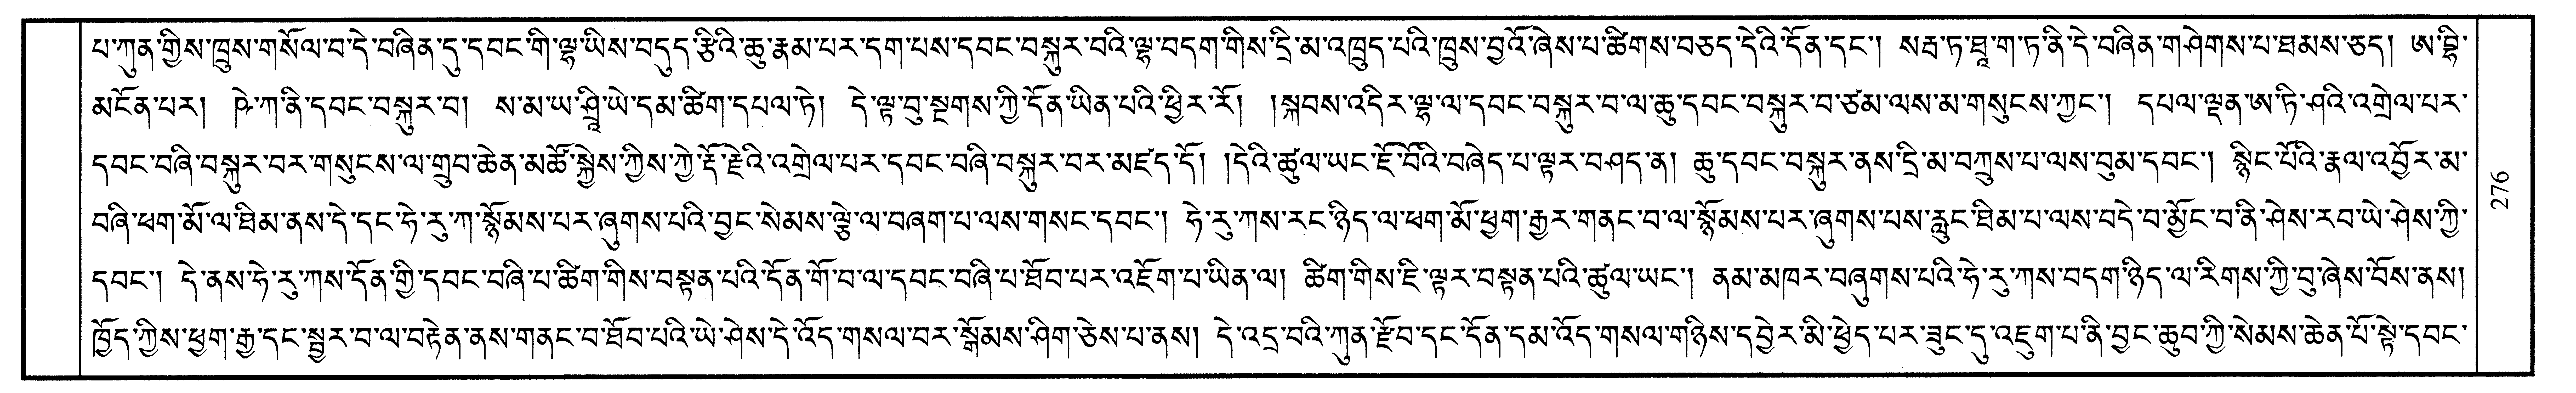པ་ཀུན་གྱིས་ཁྲུས་གསོལ་བ་དེ་བཞིན་དུ་དབང་གི་ལྷ་ཡིས་བདུད་རྩིའི་ཆུ་རྣམ་པར་དག་པས་དབང་བསྐུར་བའི་ལྷ་བདག་གིས་དྲི་མ་འཁྲུད་པའི་ཁྲུས་བྱའོ་ཞེས་པ་ཚིགས་བཅད་དེའི་དོན་དང་། སརྦ་ཏ་ཐཱ་ག་ཏ་ནི་དེ་བཞིན་གཤེགས་པ་ཐམས་ཅད། ཨ་བྷི་
མངོན་པར། ཥེ་ཀ་ནི་དབང་བསྐུར་བ། ས་མ་ཡ་ཤྲཱི་ཡེ་དམ་ཚིག་དཔལ་ཏེ། དེ་ལྟ་བུ་སྔགས་ཀྱི་དོན་ཡིན་པའི་ཕྱིར་རོ། །སྐབས་འདིར་ལྷ་ལ་དབང་བསྐུར་བ་ལ་ཆུ་དབང་བསྐུར་བ་ཙམ་ལས་མ་གསུངས་ཀྱང་། དཔལ་ལྡན་ཨ་ཏི་ཤའི་འགྲེལ་པར་
དབང་བཞི་བསྐུར་བར་གསུངས་ལ་གྲུབ་ཆེན་མཚོ་སྐྱེས་ཀྱིས་ཀྱེ་རྡོ་རྗེའི་འགྲེལ་པར་དབང་བཞི་བསྐུར་བར་མཛད་དོ། །དེའི་ཚུལ་ཡང་ཇོ་བོའི་བཞེད་པ་ལྟར་བཤད་ན། ཆུ་དབང་བསྐུར་ནས་དྲི་མ་བཀྲུས་པ་ལས་བུམ་དབང་། སྙིང་པོའི་རྣལ་འབྱོར་མ་
བཞི་ཕག་མོ་ལ་ཐིམ་ནས་དེ་དང་ཧེ་རུ་ཀ་སྙོམས་པར་ཞུགས་པའི་བྱང་སེམས་ལྕེ་ལ་བཞག་པ་ལས་གསང་དབང་། ཧེ་རུ་ཀས་རང་ཉིད་ལ་ཕག་མོ་ཕྱག་རྒྱར་གནང་བ་ལ་སྙོམས་པར་ཞུགས་པས་རླུང་ཐིམ་པ་ལས་བདེ་བ་མྱོང་བ་ནི་ཤེས་རབ་ཡེ་ཤེས་ཀྱི་
དབང་། དེ་ནས་ཧེ་རུ་ཀས་དོན་གྱི་དབང་བཞི་པ་ཚིག་གིས་བསྟན་པའི་དོན་གོ་བ་ལ་དབང་བཞི་པ་ཐོབ་པར་འཇོག་པ་ཡིན་ལ། ཚིག་གིས་ཇི་ལྟར་བསྟན་པའི་ཚུལ་ཡང་། ནམ་མཁར་བཞུགས་པའི་ཧེ་རུ་ཀས་བདག་ཉིད་ལ་རིགས་ཀྱི་བུ་ཞེས་བོས་ནས།
ཁྱོད་ཀྱིས་ཕྱག་རྒྱ་དང་སྦྱར་བ་ལ་བརྟེན་ནས་གནང་བ་ཐོབ་པའི་ཡེ་ཤེས་དེ་འོད་གསལ་བར་སྒོམས་ཤིག་ཅེས་པ་ནས། དེ་འདྲ་བའི་ཀུན་རྫོབ་དང་དོན་དམ་འོད་གསལ་གཉིས་དབྱེར་མི་ཕྱེད་པར་ཟུང་དུ་འཇུག་པ་ནི་བྱང་ཆུབ་ཀྱི་སེམས་ཆེན་པོ་སྟེ་དབང་